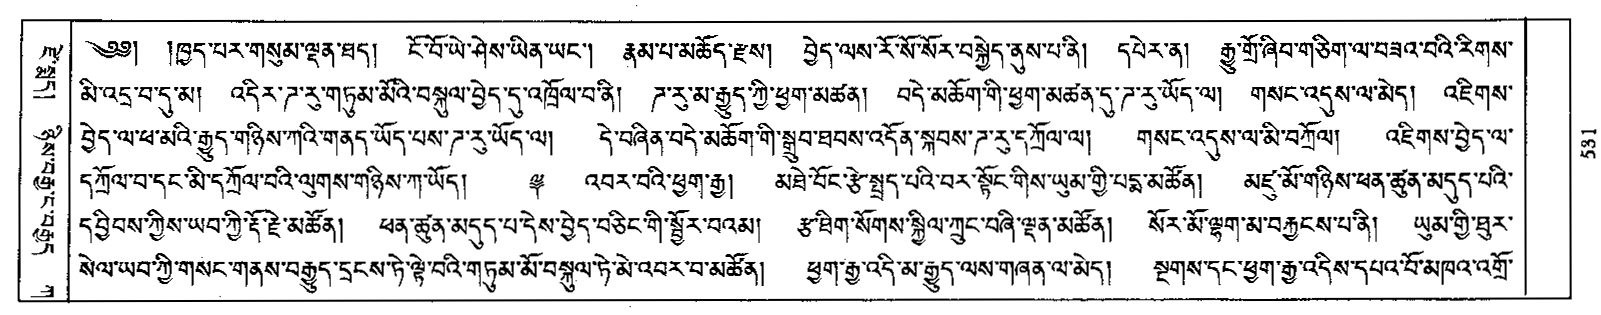༄༅། །ཁྱད་པར་གསུམ་ལྡན་ཐད། ངོ་བོ་ཡེ་ཤེས་ཡིན་ཡང་། རྣམ་པ་མཆོད་རྫས། བྱེད་ལས་རོ་སོ་སོར་བསྐྱེད་ནུས་པ་ནི། དཔེར་ན། རྒྱུ་གྲོ་ཞིབ་གཅིག་ལ་བཟའ་བའི་རིགས་
མི་འདྲ་བ་དུ་མ། འདིར་ཌ་རུ་གཏུམ་མོའི་བསྐུལ་བྱེད་དུ་འཁྲོལ་བ་ནི། ཌ་རུ་མ་རྒྱུད་ཀྱི་ཕྱག་མཚན། བདེ་མཆོག་གི་ཕྱག་མཚན་དུ་ཌ་རུ་ཡོད་ལ། གསང་འདུས་ལ་མེད། འཇིགས་
བྱེད་ལ་ཕ་མའི་རྒྱུད་གཉིས་ཀའི་གནད་ཡོད་པས་ཌ་རུ་ཡོད་ལ། དེ་བཞིན་བདེ་མཆོག་གི་སྒྲུབ་ཐབས་འདོན་སྐབས་ཌ་རུ་དཀྲོལ་ལ། གསང་འདུས་ལ་མི་བཀྲོལ། འཇིགས་བྱེད་ལ་
དཀྲོལ་བ་དང་མི་དཀྲོལ་བའི་ལུགས་གཉིས་ཀ་ཡོད། ༈ འབར་བའི་ཕྱག་རྒྱ། མཐེ་བོང་རྩེ་སྤྲད་པའི་བར་སྟོང་གིས་ཡུམ་གྱི་པདམ་མཚོན། མཛུ་མོ་གཉིས་ཕན་ཚུན་མདུད་པའི་
དབྱིབས་ཀྱིས་ཡབ་ཀྱི་རྡོ་རྗེ་མཚོན། ཕན་ཚུན་མདུད་པ་དེས་བྱེད་བཅིང་གི་སྦྱོར་བའམ། རྩ་ཐིག་སོགས་སྐྱིལ་ཀྲུང་བཞི་ལྡན་མཚོན། སོར་མོ་ལྷག་མ་བརྐྱངས་པ་ནི། ཡུམ་གྱི་ཐུར་
སེལ་ཡབ་ཀྱི་གསང་གནས་བརྒྱུད་དྲངས་ཏེ་ལྟེ་བའི་གཏུམ་མོ་བསྐུལ་ཏེ་མེ་འབར་བ་མཚོན། ཕྱག་རྒྱ་འདི་མ་རྒྱུད་ལས་གཞན་ལ་མེད། སྔགས་དང་ཕྱག་རྒྱ་འདིས་དཔའ་བོ་མཁའ་འགྲོ་